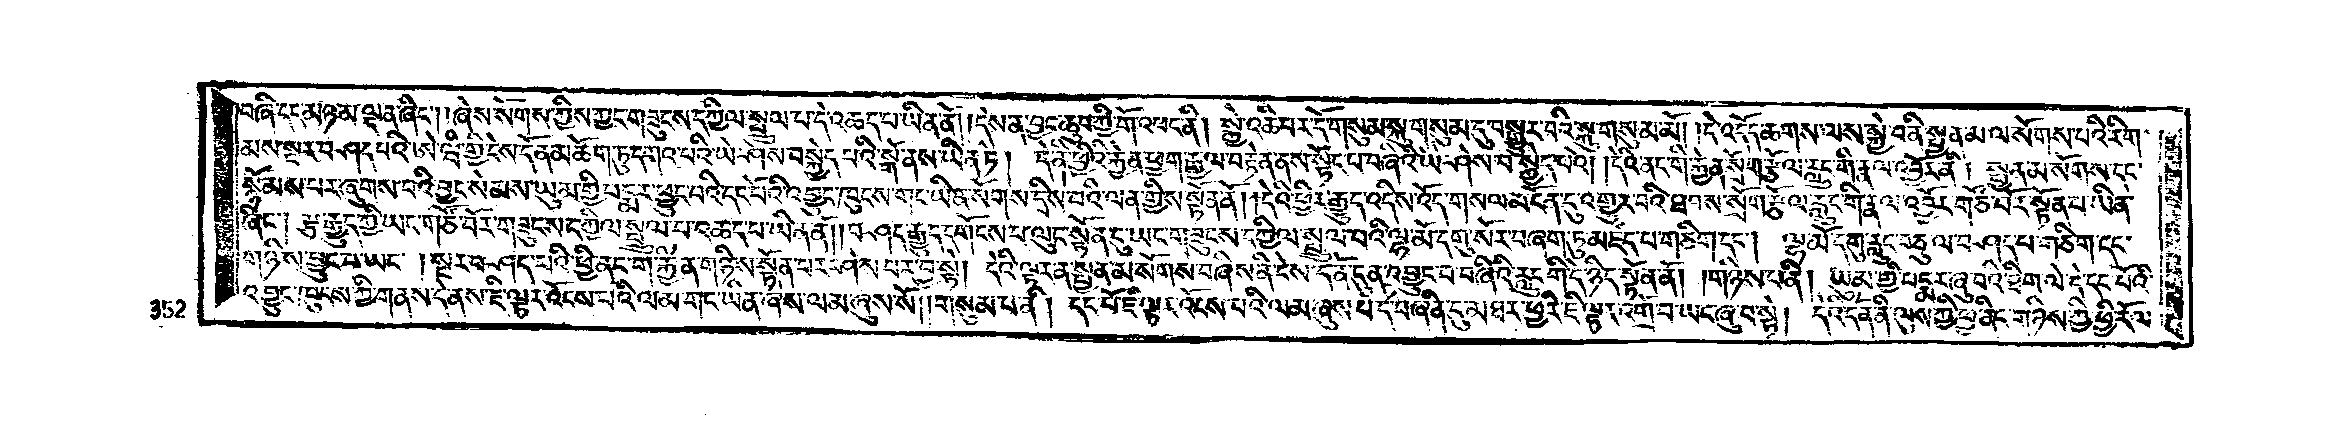བཞི་དང་མཉམ་ལྡན་ཞིང་། །ཞེས་སོགས་ཀྱིས་ཀྱང་གཟུངས་དཀྱིལ་སྤྲུལ་པ་དེ་འཆད་པ་ཡིན་ནོ། །དེས་ན་བྱང་ཆུབ་ཀྱི་གོ་འཕང་ནི། སྐྱེ་འཆི་བར་དོ་གསུམ་སྐུ་གསུམ་དུ་བསྒྱུར་བའི་སྐུ་གསུམ་མོ། །དེ་འདོད་ཆགས་ལས་སྐྱེ་བ་ནི་སྤྱན་མ་ལ་སོགས་པའི་རིག་
མས་སྔར་བཤད་པའི་ཨེ་ཝཾ་གྱི་ངེས་དོན་མཆོག་ཏུ་དགའ་བའི་ཡེ་ཤེས་བསྐྱེད་པའི་སྒོ་ནས་ཡིན་ཏེ། དེ་ནི་ཕྱིའི་རྐྱེན་ཕྱག་རྒྱ་ལ་བརྟེན་ནས་སྟོང་པ་བཞིའི་ཡེ་ཤེས་པ་བསྐྱེད་པའོ། །དེའི་ནང་གི་རྐྱེན་སྲོག་རྩོལ་རླུང་གི་རྣལ་འབྱོར་ནི། སྤྱན་མ་སོགས་དང་
སྙོམས་པར་ཞུགས་པའི་བྱང་སེམས་ཡུམ་གྱི་པདམར་ཕྱུང་བའི་དང་པོའི་འབྱུང་ཁུངས་གང་ཡིན་སོགས་དྲིས་པའི་ལན་གྱིས་སྟོན་ནོ། །དེའི་ཕྱིར་རྒྱུད་འདིས་འོད་གསལ་མངོན་དུ་འགྱུར་བའི་ཐབས་སྲོག་རྩོལ་རླུང་གི་རྣལ་འབྱོར་གཙོ་བོར་སྟོན་པ་ཡིན་
ཞིང་། རྩ་རྒྱུད་ཀྱི་ཡང་གཙོ་བོར་གཟུངས་དཀྱིལ་སྤྲུལ་པ་འཆད་པ་ཡིན་ནོ། །བཤད་རྒྱུད་དགོངས་པ་ལུང་སྟོན་དུ་ཡང་གཟུངས་དཀྱིལ་སྤྲུལ་པའི་ལྷ་མོ་དགུ་སོར་བཞག་ཏུ་མཛད་པ་གཅིག་དང་། ལྷ་མོ་དགུ་རླུང་བཅུ་ལ་བཤད་པ་གཅིག་དང་
གཉིས་བྱུང་བ་ཡང་། སྔར་བཤད་པའི་ཕྱི་ནང་གི་རྐྱེན་གཉིས་སྟོན་པར་ཤེས་པར་བྱ་སྟེ། དེའི་ལྟར་ན་སྤྱན་མ་སོགས་བཞིས་ནི་ངེས་དོན་དུན་འབྱུང་བ་བཞིའི་རླུང་གི་དེ་ཉིད་སྟོན་ནོ། །གཉིས་པ་ནི། ཡུམ་གྱི་པདམར་ཞུ་བའི་ཐིག་ལེ་དེ་དང་པོའི་
འབྱུང་ཁུངས་ཀྱི་གནས་དེ་ནས་ཇི་ལྟར་འོངས་པའི་ལམ་གང་ཡིན་ཞེས་ལམ་ཞུས་སོ། །གསུམ་པ་ནི། དང་པོ་ཇི་ལྟར་འོངས་པའི་ལམ་ཞུས་པ་དེ་བཞིན་དུ་མཐར་ཕྱིར་ཇི་ལྟར་འགྲོ་བ་ཡང་ཞུ་བ་སྟེ། དེའི་དོན་ནི་ལུས་ཀྱི་ཕྱི་ནང་གཉིས་ཀྱི་ཕྱི་རོལ་